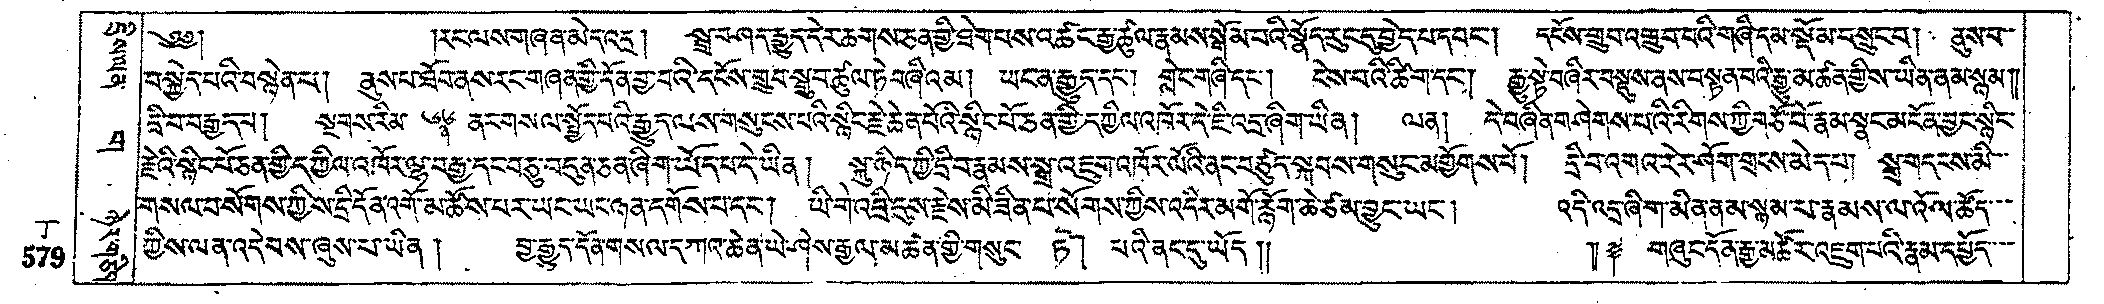༄༅། །རང་ལས་གཞན་མེད་འདྲ། སྒྲ་བཤད་རྒྱུད་དེར་ཆགས་ཅན་གྱི་ཐེག་པས་འཚང་རྒྱ་ཚུལ་རྣམས་སྒོམ་པའི་སྣོད་རུང་དུ་བྱེད་པ་དབང་། དངོས་གྲུབ་འགྲུབ་པའི་གཞི་དམ་སྡོམ་བསྲུང་བ། ནུས་པ་་་
བསྐྱེད་པའི་བསྙེན་པ། ནུས་པ་ཐོབ་ནས་རང་གཞན་གྱི་དོན་བྱ་བའི་དངོས་གྲུབ་སྒྲུབ་ཚུལ་ཏེ་བཞིའམ། ཡང་ན་རྒྱུད་དང་། གླེང་གཞི་དང་། ངེས་པའི་ཚིག་དང་། རྒྱུ་སྟེ་བཞིར་བསྡུས་ནས་བསྟན་པའི་རྒྱུ་མཚན་གྱིས་ཡིན་ནམ་སྙམ།།
དྲི་བ་བརྒྱད་པ། སྔགས་རིམ ༦༦་ན་ནང་གསལ་སྤྱོད་པའི་རྒྱུད་ལས་གསུངས་པའི་སྙིང་རྗེ་ཆེན་པོའི་སྙིང་པོ་ཅན་གྱི་དཀྱིལ་འཁོར་དེ་ཇི་འདྲ་ཞིག་ཡིན། ལན། དེ་བཞིན་གཤེགས་པའི་རིགས་ཀྱི་གཙོ་བོ་རྣམ་སྣང་མངོན་བྱང་སྙིང་
རྗེའི་སྙིང་པོ་ཅན་གྱི་དཀྱིལ་འཁོར་ལྷ་བརྒྱ་དང་བཅུ་བདུན་ཅན་ཞིག་ཡོད་པ་དེ་ཡིན། སྐུ་ཉིད་ཀྱི་དྲི་བ་རྣམས་སྒྲ་འཇུག་འཁོར་ལོའི་ནང་བཙུད་སྐབས་གསུང་མགྱོགས་པོ། དྲི་བ་འགའ་རེར་ཤོག་གྲངས་མེད་པ། སྒྲ་གདངས་མི་་་
གསལ་བ་སོགས་ཀྱིས་དྲི་དོན་འགོ་མ་ཚོས་པར་ཡང་ཡང་ཉན་དགོས་པ་དང་། ཡི་གེ་འབྲི་དུས་རྗེས་མི་ཟིན་པ་སོགས་ཀྱིས་འདིར་མགོ་རྙོག་ཆེ་ཙམ་བྱུང་ཡང་། འདི་འདྲ་ཞིག་མིན་ནམ་སྙམ་པ་རྣམས་ལ་འོལ་ཚོད་་་
ཀྱིས་ལན་འདེབས་ཞུས་པ་ཡིན། བྱ་རྒྱུད་དོན་གསལ་དཀའ་ཆེན་ཡེ་ཤེས་རྒྱལ་མཚན་གྱི་གསུང་ཏ྄་པའི་ནང་དུ་ཡོད།། །། འ་གཞུང་དོན་རྒྱ་མཚོར་འཇུག་པའི་རྣམ་དཔྱོད་་་